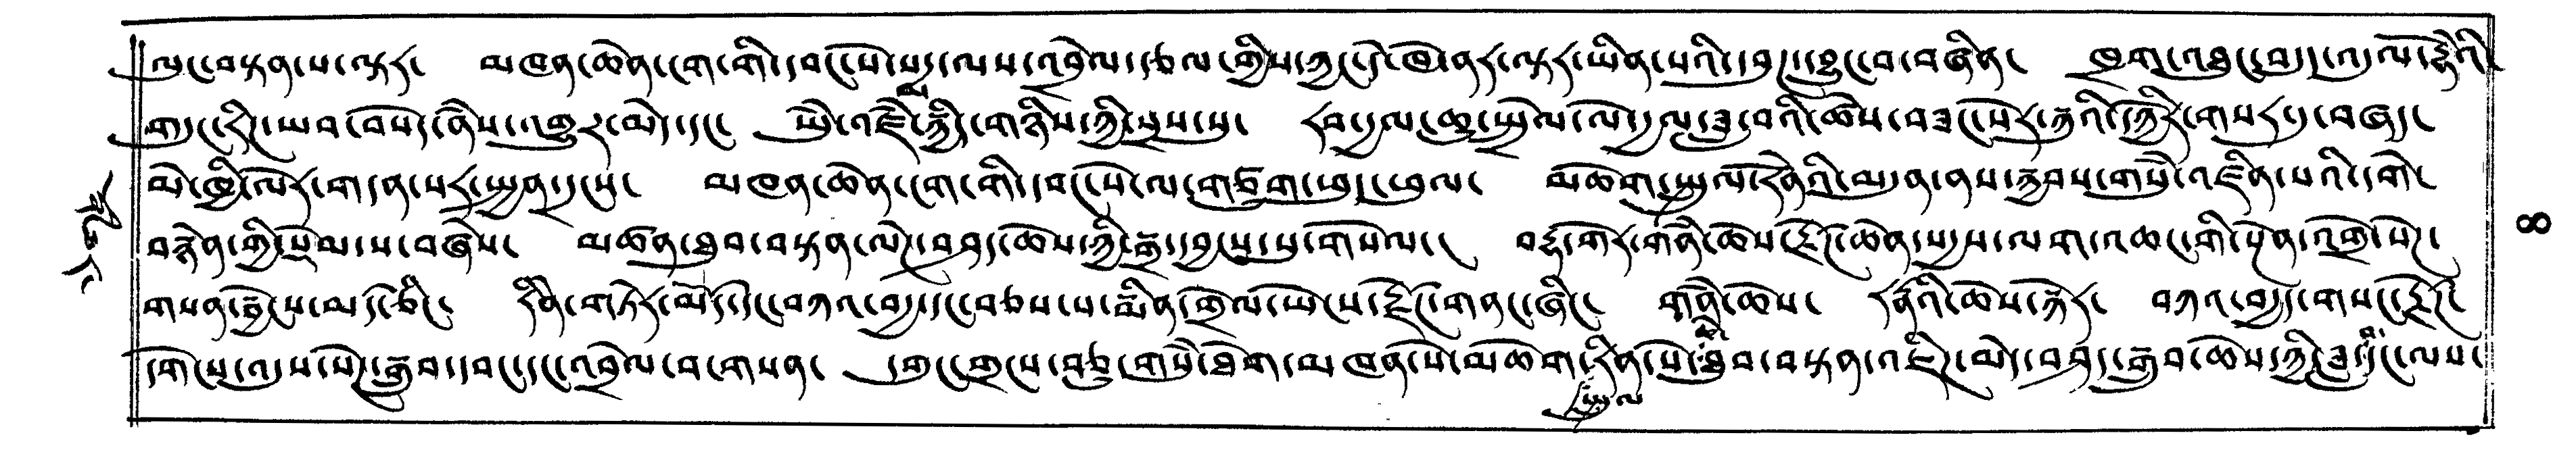གསུངས་་པ་ལྟར། ཁྲག་འཐུང་བདུད་འདུལ་རྡོ་རྗེའི་
གདུང་རིགས་ཡབ་བསོད་ནམས་འགྱུར་མེད་དང་། ཡུམ་འཛོམས་སྐྱིད་གཉིས་ཀྱི་སྲས་སུ། རབ་རྒྱལ་ཆུ་སྤྲེལ་ལོར་རྒྱལ་ཟླ་བའི་ཚེས་བཟང་པོར་སྐུའི་དཀྱིལ་འཁོར་གསར་དུ་བཞད་
ཅིང་། མཁན་ཆེན་ངག་གི་དབང་པོ་པདྨ་ལས་འབྲེལ་རྩལ་གྱིས་ཀྱང་གྲུབ་དབང་དཔལ་ཆེན་འདུས་པའི་ཡང་སྲིད་དེ་ཁོ་ནར་ལྟར་ཡིན་པའི་དབུགས་དབྱུང་གནང་། མེ་ཁྱི་ལོར་གདན་སར་སྤྱན་དྲངས། མཁན་ཆེན་ངག་གི་དབང་པོ་ལ་གཙུག་ཕུད་ཕུལ། མཆོག་སྤྲུལ་རིན་པོ་ཆེའི་མདུན་ནས་སྐྱབས་གསུམ་འཛིན་པའི་དགེ་
བསྙེན་གྱི་སྡོམ་པ་བཞེས། མཚན་༧ཐུབ་བསྟན་ལེགས་བཤད་ཆོས་ཀྱི་སྒྲ་དབྱངས་གསོལ། བརྡ་གོར་གནམ་ཆོས་རྫོགས་ཆེན་སངས་རྒྱས་ལག་འཆང་གི་སྔོན་འགྲོ་སོགས་
གསན་སྦྱངས་མཛད་ཅིང་། རིན་ཆེན་གཏེར་མཛོད་བཀའ་བརྒྱ་དང་བཅས་པ་སྨིན་གྲོལ་ཡོངས་རྫོགས་གནང་། གནམ་ཆོས། རཏྣའི་ཆོས་སྐོར། བཀའ་བརྒྱད་གསང་རྫོགས་
དགོངས་འདུས་སོགས་སྒྲུབ་དབང་དང་འབྲེལ་བ་གསན།དགུང་གྲངས་བཅུ་གསུམ་ཐོག་མཁན་པོ་མཆོག་སྤྲུལ་རིན་པོ་ཆེ་ཐུབ་བསྟན་ཆོས་ཀྱི་ཟླ་བ་དང་ལས་